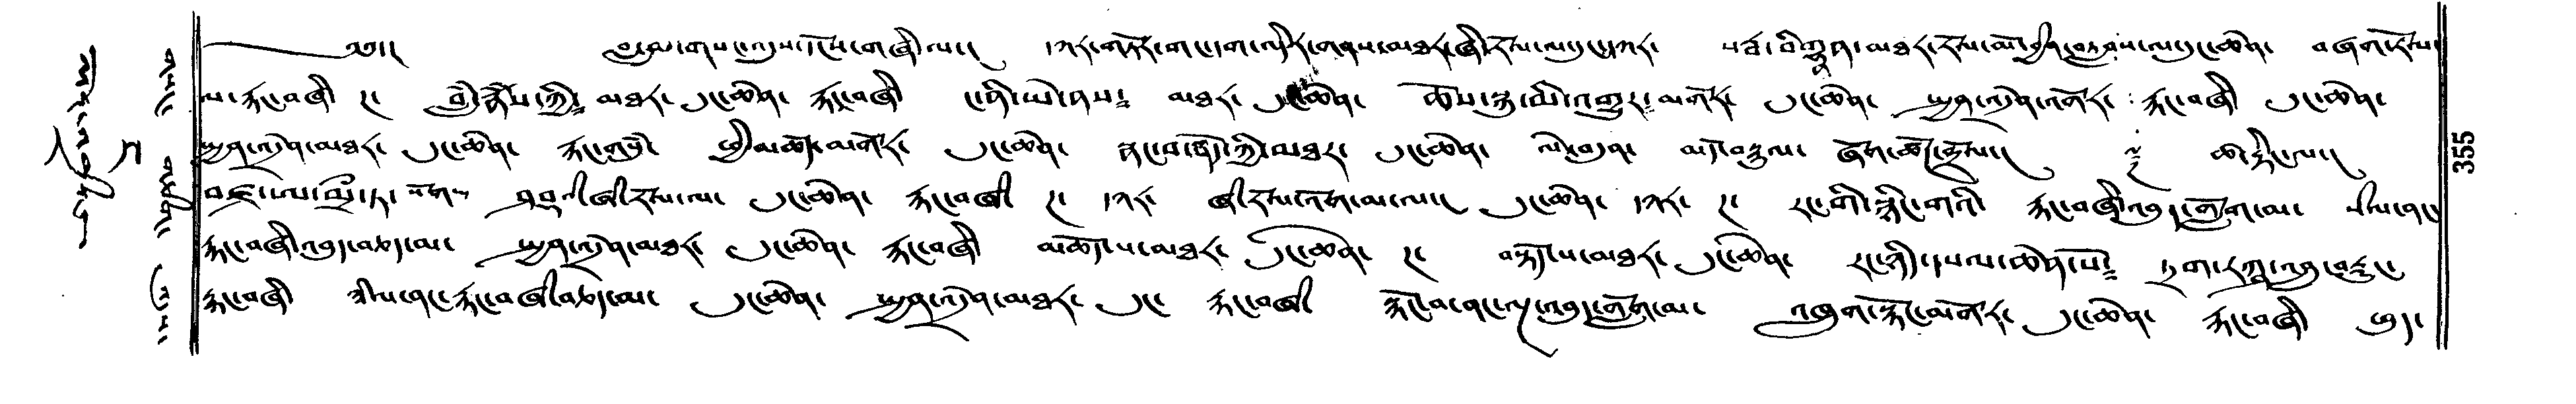༄༅། བླ་མ་གསང་འདུས་དངོས་གཞི་ལ། དཀར་གཏོར། གང་དག་འདིར་གནས༴ མཐར་ཞི་རོལ་ལ་དུང་དཀར། སརྦ་བིགྷྣན༴ མཐར་རོལ་མོ་བྱིན་རླབས་ལ་དུང་ཆེན། བཞག་རོལ་
ལ་རྐང་བཞི། ཌཱ། བླ་མ་རྣམས་ཀྱི༴ མཐར་དུང་ཆེན། རྐང་བཞི། ང་ནི་ཡེ་ནས༴ མཐར། དུང་ཆེན། ཆོས་སྐུ་མི་འགྱུར༴ མགོར། དུང་ཆེན། སྤྱན་འདྲེན་འགོར། རྐང་བཞི། དུང་ཆེན། 
སྤྱན་འདྲེན་མཐར། དུང་ཆེན། རྐང་གསུམ། ཕྱི་མཆོད་མགོར། དུང་ཆེན། སྣང་བ་སྣོད་ཀྱི༴ མཐར། དུང་ཆེན། ལེའུ་བདུན། མདོ་བསྐུལ། ཞོག་ཚོགས་གྲོལ། ༈ ཚ་རྟིང་ལ། 
བཛྲ་ཨ་མྲྀ་ཏ༴ སོགས་ནས། ཤབྡའི༴ ཞི་རོལ་ལ། དུང་ཆེ།་རྐང་བཞི། མཆོད་པ་མཐར། དུང་ཆེན། རྔ། བསྟོད་པ་མཐར། དུང་ཆེན། དཀར། རྔ། རང་གི་སྙིང་གའི༴ རྐང་བཞི་འབུད། གློག་མ། སིལ་ནང་
རྐང་བཞི་འབུད་བཅད་མ། སྤྱན་འདྲེན་མཐར། དུང་ཆེན། རྐང་བཞི། མཆོད་པ་མཐར། དུང་ཆེན། རྔ། བསྟོད་པ་མཐར། དུང་ཆེན། རང་ཉིད་དཔལ་ཆེན་པོ༴ ཏྲག་རཀྵ༴ འབྲུ་བརྡུང་
རྐང་བཞི། ཟིལ་ནང་རྐང་བཞི་བཅད་མ། དུང་ཆེན། སྤྱན་འདྲེན་མཐར། དུང་། སྐོང་བ་ནང་ལྔ་འབུད་གློག་མ། འཁྲུགས་སྐོང་མགོར། དུང་ཆེན། རྐང་བཞི། ཕུད་